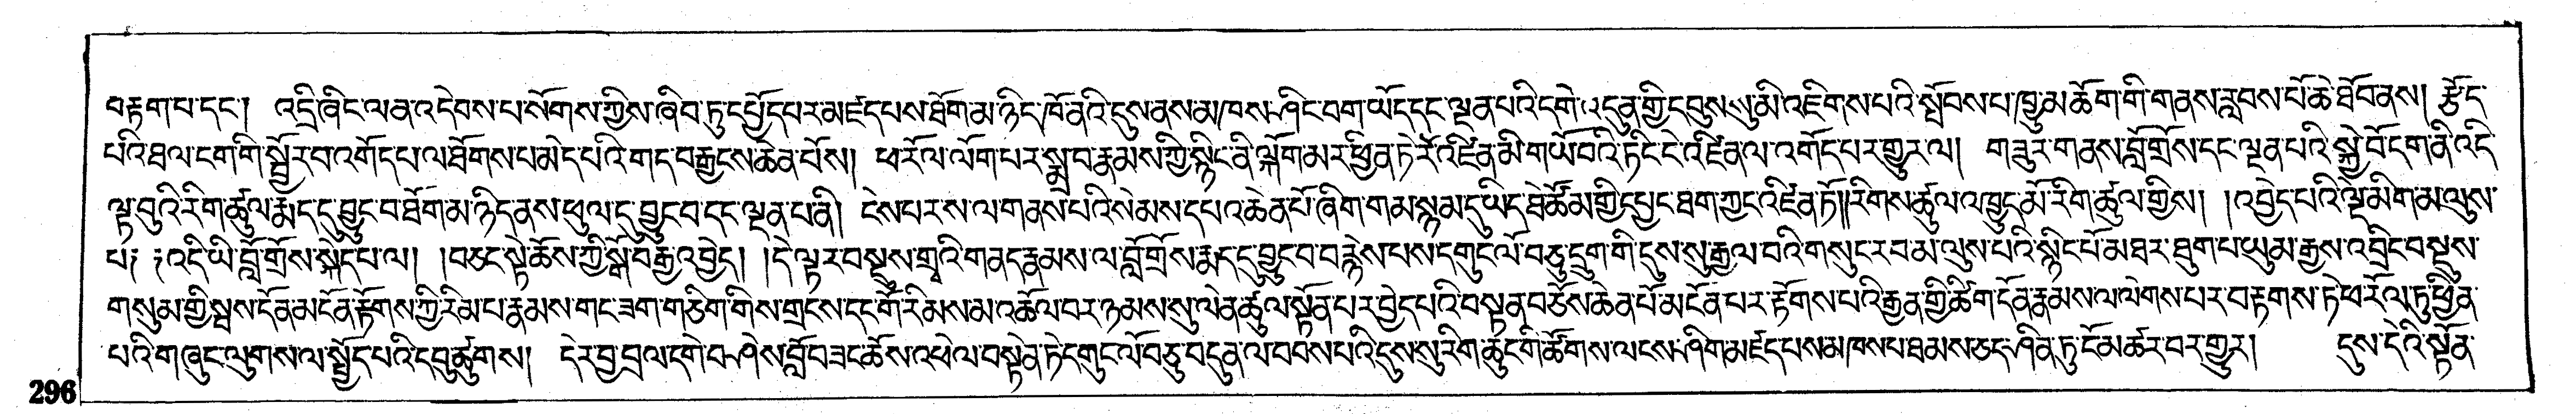བརྟག་པ་དང་། འདྲི་ཞིང་ལན་འདེབས་པ་སོགས་ཀྱིས་ཞིབ་ཏུ་དཔྱོད་པར་མཛད་པས་ཐོག་མ་ཉིད་ཁོ་ནའི་དུས་ནས་མཁས་ཤིང་བག་ཡོད་དང་ལྡན་པའི་དགེ་འདུན་གྱི་དབུས་སུ་མི་འཇིགས་པའི་སྦོབས་པ་ཁྱུ་མཆོག་གི་གནས་རླབས་པོ་ཆེ་ཐོབ་ནས། རྩོད་
པའི་ཐལ་ངག་གི་སྦྱོར་བ་འགོད་པ་ལ་ཐོགས་པ་མེད་པའི་གང་བརྒྱངས་ཆེན་པོས། ཕ་རོལ་ལོག་པར་སྨྲ་བ་རྣམས་ཀྱི་སྙིང་ནི་ལྐོག་མར་ཕྱིན་ཏེ་རོ་འཛིན་མི་གཡོ་བའི་ཏིང་ངེ་འཛིན་ལ་འགོད་པར་གྱུར་ལ། གཟུར་གནས་བློ་གྲོས་དང་ལྡན་པའི་སྐྱེ་བོ་ངག་ནི་འདི་
ལྟ་བུའི་རིག་ཚུལ་རྨད་དུ་བྱུང་བ་ཐོག་མ་ཉིད་ནས་ཕུལ་དུ་བྱུང་བ་དང་ལྡན་པ་ནི། ངེས་པར་ས་ལ་གནས་པའི་སེམས་དཔའ་ཆེན་པོ་ཞིག་གམ་སྙམ་དུ་ཡིད་ཐེ་ཚོམ་གྱི་དཔྱད་ཐག་ཀྱང་འཛིན་ཏོ། །རིགས་ཚུལ་འཁྱུང་མོ་རིག་ཚུལ་གྱིས། །འབྱེད་པའི་ལྡེ་མིག་མ་ལུས་
པ༑ ༑འདི་ཡི་བློ་གྲོས་སྐེད་པ་ལ། །བཅང་སྟེ་ཆོས་ཀྱི་སྒོ་བརྒྱ་འབྱེད། །དེ་ལྟར་བསྡུས་གྲྭའི་གནད་རྣམས་ལ་བློ་གྲོས་རྨད་དུ་བྱུང་བ་བརྙེས་པས་དགུང་ལོ་བཅུ་དྲུག་གི་དུས་སུ་རྒྱལ་བའི་གསུང་རབ་མ་ལུས་པའི་སྙིང་པོ་མཐར་ཐུག་པ་ཡུམ་རྒྱས་འབྲིང་བསྡུས་
གསུམ་གྱི་སྦས་དོན་མངོན་རྟོགས་ཀྱི་རིམ་པ་རྣམས་གང་ཟག་གཅིག་གིས་གྲངས་དང་གོ་རིམས་མ་འཆོལ་བར་ཉམས་སུ་ལེན་ཚུལ་སྟོན་པར་བྱེད་པའི་བསྟན་བཅོས་ཆེན་བོ་མངོན་པར་རྟོགས་པའི་རྒྱན་གྱི་ཚིག་དོན་རྣམས་ལ་ལེགས་པར་བརྟགས་ཏེ་ཕ་རོལ་ཏུ་ཕྱིན་
པའི་གཞུང་ལུགས་ལ་སྦྱོང་བའི་དབུ་ཚུགས། དེར་བྱ་བྲལ་དགེ་བཤེས་བློ་བཟང་ཆོས་འཕེལ་བསྟེན་ཏེ་དགུང་ལོ་བཅུ་བདུན་ལ་བབས་པའི་དུས་སུ་རིག་ཆུང་གི་ཚོགས་ལངས་ཤིག་མཛད་པས་མཁས་པ་ཐམས་ཅད་ཤིན་ཏུ་ངོ་མཚར་བར་གྱུར། དུས་དེའི་སྟོན་